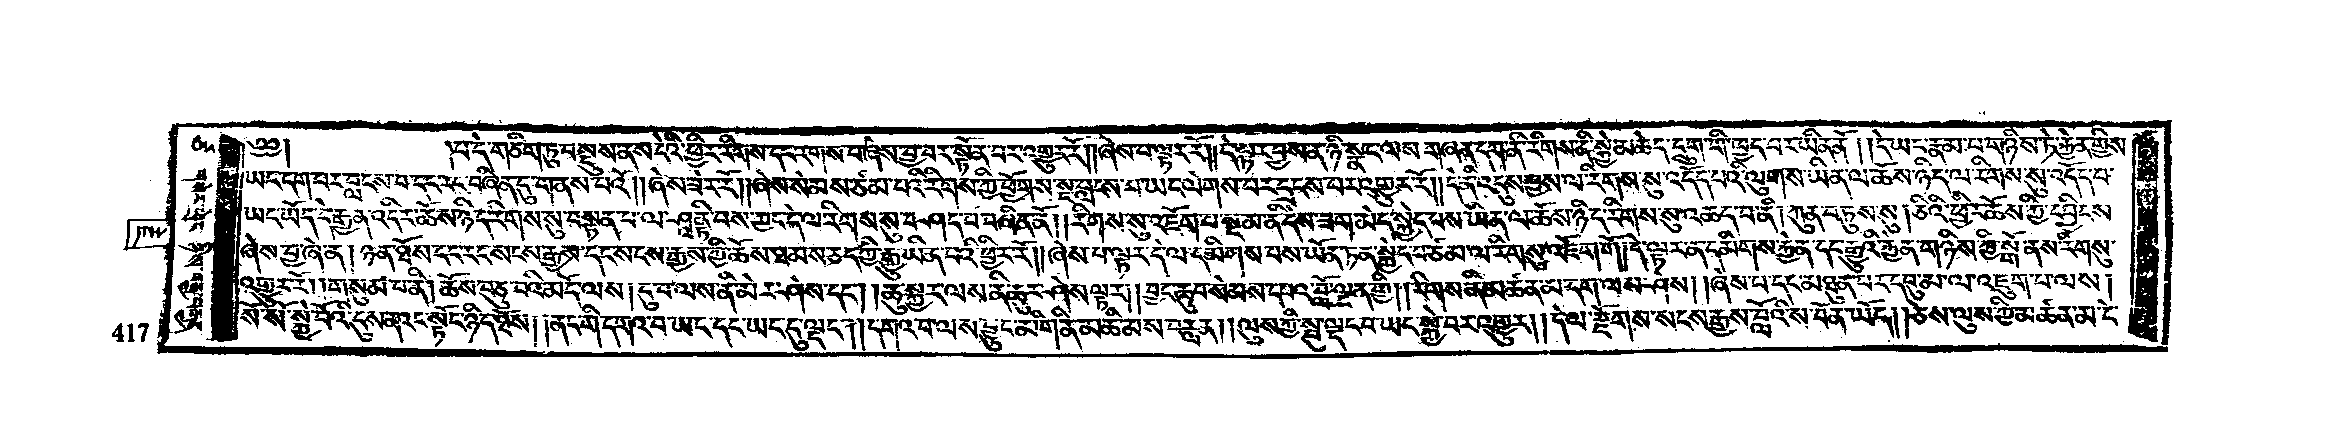༄༅། །པ་དེ་གཅིག་ཏུ་བསྡུས་ནས་དེའི་ཕྱིར་རིགས་དང་རགས་པ་ཞེས་བྱ་བར་སྟོན་པར་འགྱུར་རོ། །ཞེས་པ་ལྟར་རོ། །དེ་ལྟར་བྱས་ན་ཉི་སྣང་ལས་གཞན་དག་ནི་རིགས་ནི་སྐྱེ་མཆེད་དྲུག་གི་ཁྱད་པར་ཡིན་ནོ། །དེ་ཡང་རྣམ་པ་གཉིས་ཏེ་རྐྱེན་གྱིས་
ཡང་དག་པར་བླངས་པ་དང་རང་བཞིན་དུ་གནས་པའོ། །ཞེས་ཟེར་རོ། །ཞེས་སེམས་ཙམ་པའི་རིགས་ཀྱི་ཕྱོགས་སྔ་བླངས་པ་ཡང་ལེགས་པར་དྲངས་པར་འགྱུར་རོ། །དེ་ནི་འདུས་བྱས་ལ་རིགས་སུ་འདོད་པའི་ལུགས་ཡིན་ལ་ཆོས་ཉིད་ལ་རིགས་སུ་འདོད་པ་
ཡང་ཡོད་དེ་རྒྱན་འདིར་ཆོས་ཉིད་རིགས་སུ་བསྟན་པ་ལ་ཤཱནྟི་པས་ཀྱང་དེ་ལ་རིགས་སུ་བཤད་པ་བཞིན་ནོ། །རིགས་སུ་འཇོག་པ་སྔ་མ་ནི་དེས་ཟག་མེད་སྐྱེད་པས་ཡིན་ལ་ཆོས་ཉིད་རིགས་སུ་འཆད་པ་ནི། ཀུན་བཏུས་སུ། ཅིའི་ཕྱིར་ཆོས་ཀྱི་དབྱིངས་
ཞེས་བྱ་ཞེ་ན། ཉན་ཐོས་དང་རང་སངས་རྒྱས་དང་སངས་རྒྱས་ཀྱི་ཆོས་ཐམས་ཅད་ཀྱི་རྒྱུ་ཡིན་པའི་ཕྱིར་རོ། །ཞེས་པ་ལྟར་དེ་ལ་དམིགས་པས་ཡོན་ཏན་སྐྱེད་པ་ཙམ་ལ་རིགས་སུ་འཇོག་གོ །དེ་ལྟར་ན་དམིགས་རྐྱེན་དང་རྒྱུའི་རྐྱེན་གཉིས་ཀྱི་སྒོ་ནས་རིགས་སུ་
འགྱུར་རོ། །གསུམ་པ་ནི། ཆོས་བཅུ་པའི་མདོ་ལས། དུ་བ་ལས་ནི་མེར་ཤེས་དང་། །ཆུ་སྐྱར་ལས་ནི་ཆུར་ཤེས་ལྟར། །བྱང་ཆུབ་སེམས་དཔའ་བློ་ལྡན་གྱི། །རིགས་ནི་མཚན་མ་དག་ལས་ཤེས། །ཞེས་པ་དང་མཐུན་པར་དབུ་མ་ལ་འཇུག་པ་ལས།
སོ་སོ་སྐྱེ་བོའི་དུས་ནའང་སྟོང་ཉིད་ཐོས། །ནང་གི་དགའ་བ་ཡང་དང་ཡང་དུ་ལྡང་། །དགའ་བ་ལས་བྱུང་མིག་ནི་མཆི་མས་བརླན། །ལུས་ཀྱི་སྤུ་ལྡང་བ་ཡང་སྐྱེ་བར་འགྱུར། །དེ་ལ་རྫོགས་སངས་རྒྱས་བློའི་ས་བོན་ཡོད། །ཅེས་ལུས་ཀྱི་མཚན་མ་དེ་